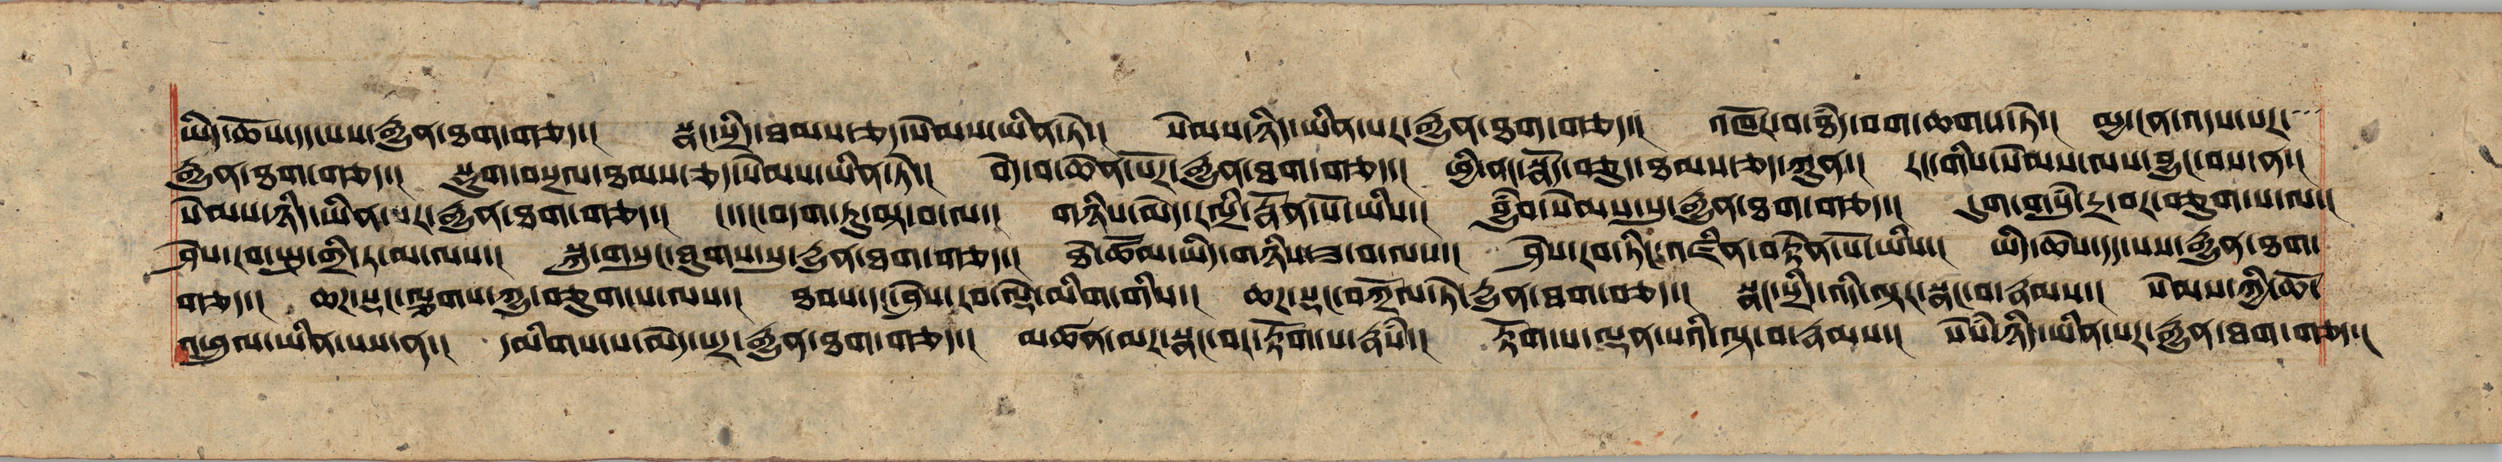ཡིད་ཆོས་དད་པས་རྒྱུན་ཐག་གཅད་། སྣང་སྲིད་ཐམས་ཅད་སེམས་ཡིན་ཏེ་། སེམས་ཉིད་ཡིན་པར་རྒྱུན་ཐག་གཅད་། འཁོར་བ་ཐཾད་བག་ཆགས་ཏེ་། མྱ་ངན་འདས་པར་
རྒྱུན་ཐག་གཅད་། སྡུག་བསྔལ་ཐམས་ཅད་སེམས་ཡིན་ཏེ་། བདེ་བ་ཆེན་པོར་རྒྱུན་ཐག་གཅད་། ཕྱི་ནང་སྣོད་བཅུད་ཐམས་ཅད་ཀུན་། རང་གིས་སེམས་ལས་བྱུང་བས་ན་།
སེམས་ཉིད་ཡིན་པར་རྒྱུན་ཐག་གཅད་། ང་དང་བདག་ཏུ་ལྟ་བ་ལ་། གཉིས་མེདརལྲི་་རྣོན་པོ་ཡིས་། བྱུཾབ་སེམས་སུ་རྒྱུན་ཐག་གཅད་། དུག་གསུཾ་དྲ་བར་བཅུག་པ་ལ་།
ཤེས་རབ་སྤུ་གྲི་ཏ་མ་ལས་། སྐུ་གསུང་ཐུགས་སུ་དྱུན་ཐག་གཅད་། ཐེ་ཚོམ་ཡིད་གཉིས་ཟ་བ་ལས་། ཤེས་རབ་ཏིང་འཛིན་བརྟེན་པོ་ཡིས་། ཡིད་ཆེས་དད་པས་རྒྱུན་ཐག་
གཅད་། ཆཌ་སྡང་ལྕཌ་ཀྱུ་བཅུག་པ་ལས་། ཐབས་དང་ཤེས་རབ་ལྡེ་མིག་གིས་། ཆཌ་སྡང་བཀྲོལ་ཏེ་དྱུན་ཐག་བཅད་། སྣང་སྲིད་འདི་ལྟར་སྣང་པ་རྣམས་། སེམས་ཀྱི་ཆོ་
འཕྲུལ་ཡིན་པས་ན་། དམིགས་པ་མེད་པར་རྒྱུན་ཐག་གཅད་། མཚན་མར་སྣང་བར་རྟོག་པ་རྣཾས་། རྟོག་པ་ལྡན་པའི་ལྟ་བ་རྣམས་། སེཾས་ཉིད་ཡིན་པར་རྒྱུན་ཐག་གཅད་།